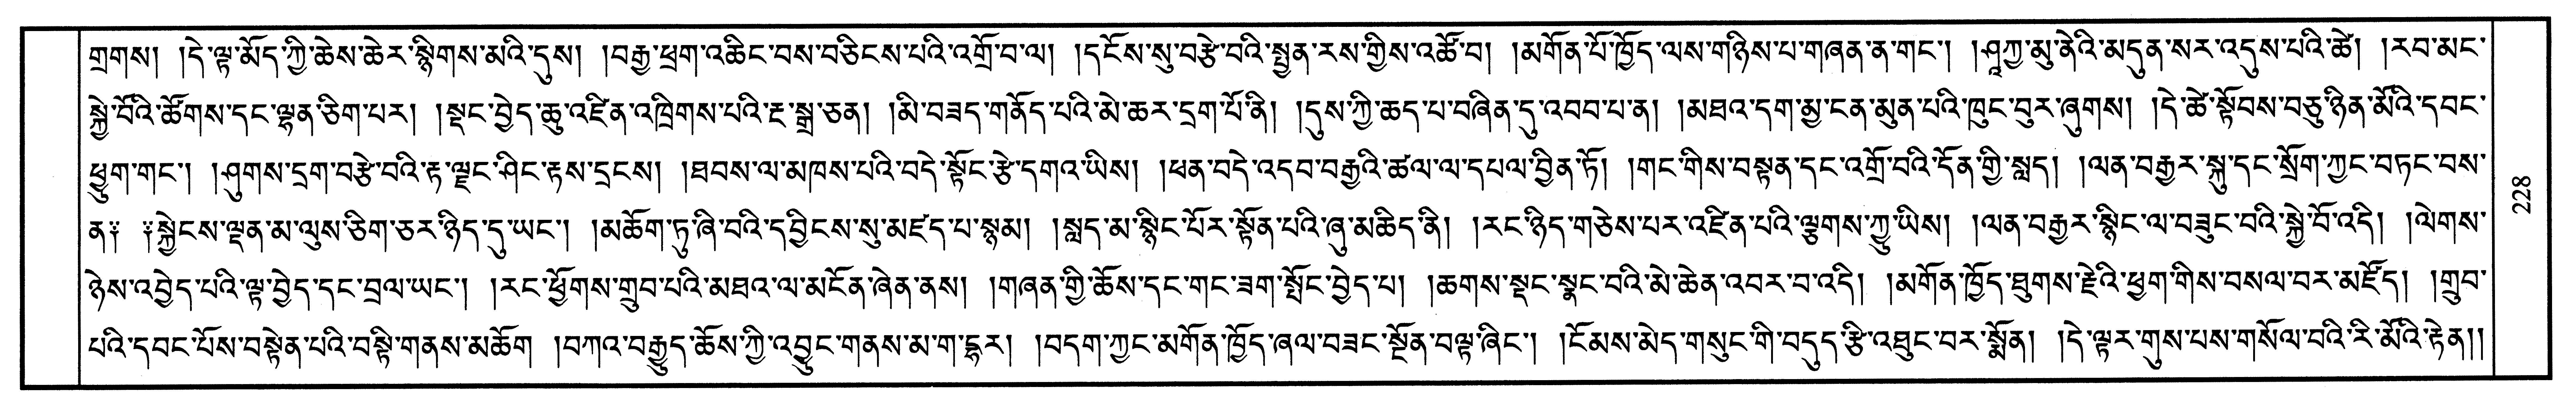གྲགས། །དེ་ལྟ་མོད་ཀྱི་ཆེས་ཆེར་སྙིགས་མའི་དུས། །བརྒྱ་ཕྲག་འཆིང་བས་བཅིངས་པའི་འགྲོ་བ་ལ། །དངོས་སུ་བརྩེ་བའི་སྤྱན་རས་གྱིས་འཚོ་བ། །མགོན་པོ་ཁྱོད་ལས་གཉིས་པ་གཞན་ན་གང་། །ཤཱཀྱ་མུ་ནེའི་མདུན་སར་འདུས་པའི་ཚེ། །རབ་མང་
སྐྱེ་བོའི་ཚོགས་དང་ལྷན་ཅིག་པར། །སྡང་བྱེད་ཆུ་འཛིན་འཁྲིགས་པའི་རྔ་སྒྲ་ཅན། །མི་བཟད་གནོད་པའི་མེ་ཆར་དྲག་པོ་ནི། །དུས་ཀྱི་ཆད་པ་བཞིན་དུ་འབབ་པ་ན། །མཐའ་དག་མྱ་ངན་མུན་པའི་ཁུང་བུར་ཞུགས། །དེ་ཚེ་སྟོབས་བཅུ་ཉིན་མོའི་དབང་
ཕྱུག་གང་། །ཤུགས་དྲག་བརྩེ་བའི་རྟ་ལྗང་ཤིང་རྟས་དྲངས། །ཐབས་ལ་མཁས་པའི་བདེ་སྟོང་རྩེ་དགའ་ཡིས། །ཕན་བདེ་འདབ་བརྒྱའི་ཚལ་ལ་དཔལ་བྱིན་ཏོ། །གང་གིས་བསྟན་དང་འགྲོ་བའི་དོན་གྱི་སླད། །ལན་བརྒྱར་སྐུ་དང་སྲོག་ཀྱང་བཏང་བས་
ན། །སྐྱེངས་ལྡན་མ་ལུས་ཅིག་ཅར་ཉིད་དུ་ཡང་། །མཆོག་ཏུ་ཞི་བའི་དབྱིངས་སུ་མཛད་པ་སྙམ། །སླད་མ་སྙིང་པོར་སྟོན་པའི་ཞུ་མཆིད་ནི། །རང་ཉིད་གཅེས་པར་འཛིན་པའི་ལྕགས་ཀྱུ་ཡིས། །ལན་བརྒྱར་སྙིང་ལ་བཟུང་བའི་སྐྱེ་བོ་འདི། །ལེགས་
ཉེས་འབྱེད་པའི་ལྟ་བྱེད་དང་བྲལ་ཡང་། །རང་ཕྱོགས་གྲུབ་པའི་མཐའ་ལ་མངོན་ཞེན་ནས། །གཞན་གྱིས་ཆོས་དང་གང་ཟག་སྤོང་བྱེད་པ། །ཆགས་སྡང་སྣང་བའི་མེ་ཆེན་འབར་བ་འདི། །མགོན་ཁྱོད་ཐུགས་རྗེའི་ཕྱག་གིས་བསལ་བར་མཛོད། །གྲུབ་
པའི་དབང་པོས་བསྟེན་པའི་བསྟི་གནས་མཆོག །བཀའ་བརྒྱུད་ཆོས་ཀྱི་འབྱུང་གནས་མ་ག་དྷར། །བདག་ཀྱང་མགོན་ཁྱོད་ཞལ་བཟང་སྔོན་བལྟ་ཞིང་། །ངོམས་མེད་གསུང་གི་བདུད་རྩི་འཐུང་བར་སྨོན། །དེ་ལྟར་གུས་པས་གསོལ་བའི་རི་མོའི་རྟེན།།